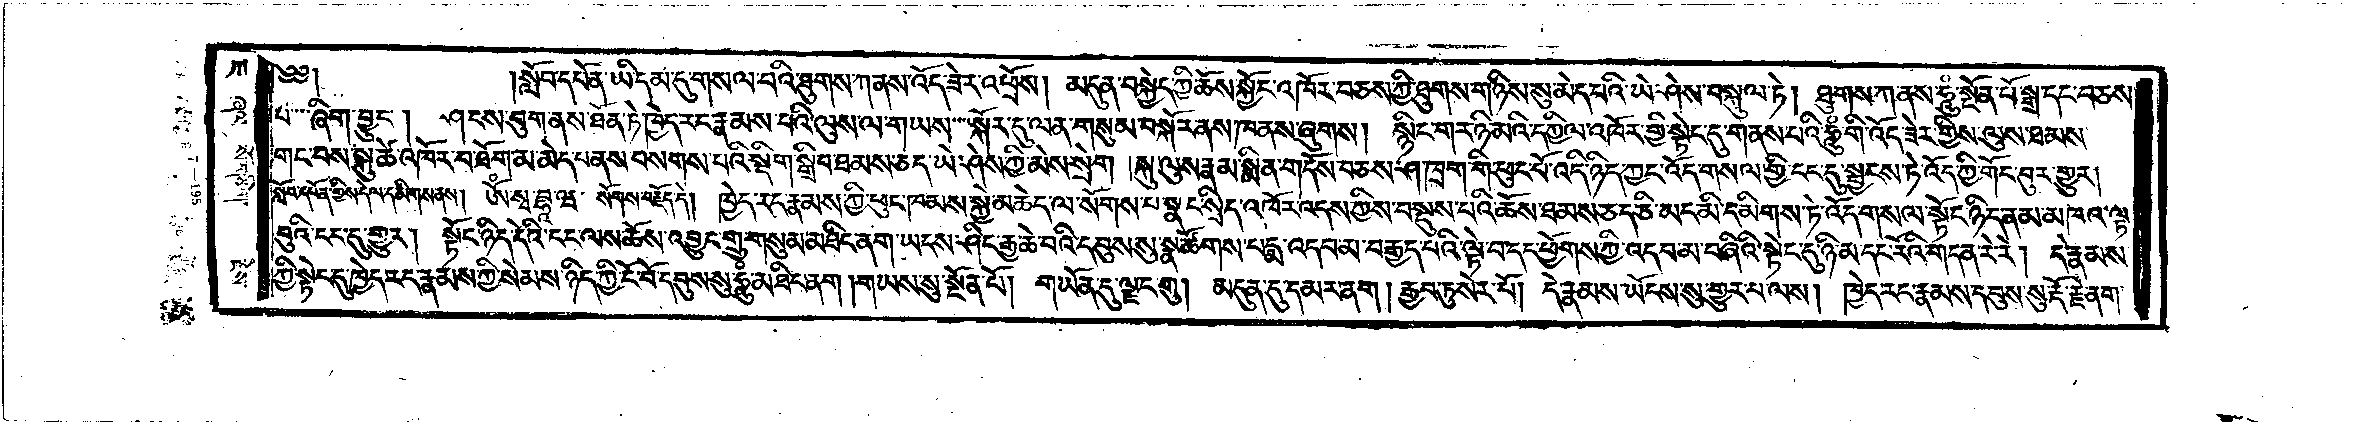༄༅། །སློབ་དཔོན་ཡི་དམ་དུ་གསལ་བའི་ཐུགས་ཀ་ནས་འོད་ཟེར་འཕྲོས། མདུན་བསྐྱེད་ཀྱི་ཆོས་སྐྱོང་འཁོར་བཅས་ཀྱི་ཐུགས་གཉིས་སུ་མེད་པའི་ཡེ་ཤེས་བསྐུལ་ཏེ། ཐུགས་ཀ་ནས་ཧཱུཾ་སྔོན་པོ་སྒྲ་དང་བཅས་
པ་ཞིག་བྱུང་། ཤངས་བུག་ནས་ཐོན་ཏེ་ཁྱེད་རང་རྣམས་པའི་ལུས་ལ་གཡས་སྐོར་དུ་ལན་གསུམ་བསྐོར་ནས་ཁ་ནས་ཞུགས། སྙིང་གར་ཉི་མའི་དཀྱིལ་འཁོར་གྱི་སྟེང་དུ་གནས་པའི་ཧཱུཾ་གི་འོད་ཟེར་གྱིས་ལུས་ཐམས་ཅད་
གང་བས་སྐུ་ཚེ་འཁོར་པ་ཐོག་མ་མེད་པ་ནས་བསགས་པའི་སྡིག་སྒྲིབ་ཐམས་ཅད་ཡེ་ཤེས་ཀྱི་མེས་སྲེག །སྐུ་ལུས་རྣམ་སྨིན་གདོས་བཅས་ཤ་ཁྲག་གི་ཕུང་པོ་འདི་ཉིད་ཀྱང་འོད་གསལ་གྱི་ངང་དུ་སྦྱངས་ཏེ་འོད་ཀྱི་གོང་བུར་གྱུར།
སློབ་དཔོན་གྱིས་དེ་ལ་དམིགས་ནས།  ཨོཾ་སྭ་བྷཱ་ཝ་སོགས་བརྗོད་དེ།  ཁྱེད་རང་རྣམས་ཀྱི་ཕུང་ཁམས་སྐྱེ་མཆེད་ལ་སོགས་པ་སྣང་སྲིད་འཁོར་འདས་ཀྱིས་བསྡུས་པའི་ཆོས་ཐམས་ཅད་ཅི་ཡང་མི་དམིགས་ཏེ་འོད་གསལ་སྟོང་ཉིད་ནམ་མཁའ་ལྟ་
བུའི་ངང་དུ་གྱུར། སྟོང་ཉིད་དེའི་ངང་ལས་ཆོས་འབྱུང་གྲུ་གསུམ་མཐིང་ནག་ཡངས་ཤིང་རྒྱ་ཆེ་བའི་དབུས་སུ་སྣ་ཚོགས་པདམ་འདབ་མ་བརྒྱད་པའི་ལྟེ་བ་དང་ཕྱོགས་ཀྱི་འདབ་མ་བཞིའི་སྟེང་དུ་ཉི་མ་དང་རོའི་གདན་རེ་རེ། དེ་རྣམས་
ཀྱི་སྟེང་དུ་ཁྱེད་རང་རྣམས་ཀྱི་སེམས་ཉིད་ཀྱི་ངོ་བོ་དབུས་སུ་ཧཱུཾ་མཐིང་ནག །གཡས་སུ་སྔོན་པོ། གཡོན་དུ་ལྗང་གུ། མདུན་དུ་དམར་ནག །རྒྱབ་དུ་སེར་པོ། དེ་རྣམས་ཡོངས་སུ་གྱུར་བ་ལས། ཁྱེད་རང་རྣམས་དབུས་སུ་རྡོ་རྗེ་ནག་